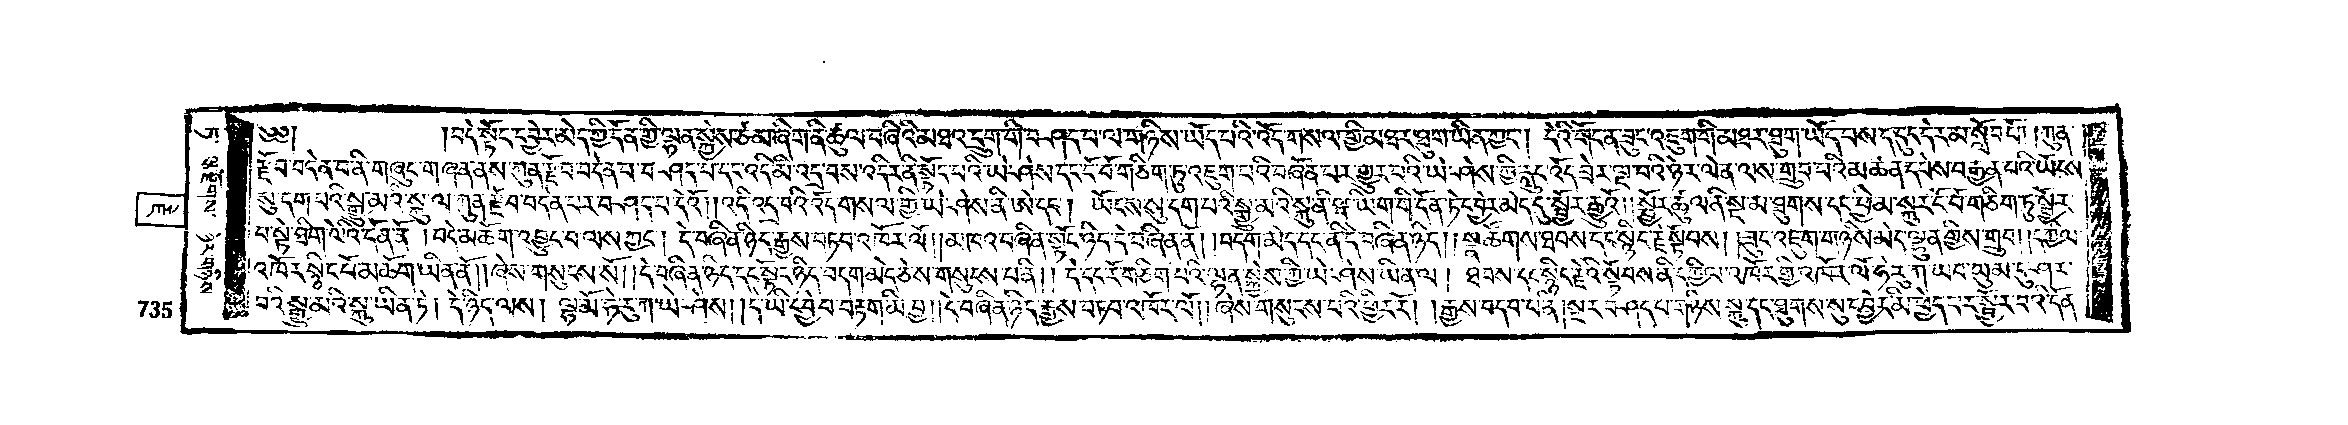༄༅། །བདེ་སྟོང་དབྱེར་མེད་ཀྱི་དོན་གྱི་ལྷན་སྐྱེས་ཙམ་ཞིག་ནི་ཚུལ་བཞིའི་མཐའ་དྲུག་གི་བཤད་པ་ལ་གཉིས་ཡོད་པའི་འོད་གསལ་གྱི་མཐར་ཐུག་ཡིན་ཀྱང་། དེའི་གོང་ན་ཟུང་འཇུག་གི་མཐར་ཐུག་ཡོད་པས་ད་དུང་དེར་མ་སླེབ་པོ། །ཀུན་
རྫོབ་བདེན་པ་ནི་གཞུང་གཞན་ནས་ཀུན་རྫོབ་བདེན་པ་བཤད་པ་དང་འདི་མི་འདྲ་བས་འདིར་ནི་སྟོང་པའི་ཡེ་ཤེས་དང་ངོ་བོ་གཅིག་ཏུ་འཇུག་པའི་བཞོན་པར་གྱུར་པའི་ཡེ་ཤེས་ཀྱི་རླུང་འོད་ཟེར་ལྔ་པའི་ཉེར་ལེན་ལས་གྲུབ་པའི་མཚན་དཔེས་བརྒྱན་པའི་ཡོངས་
སུ་དག་པའི་སྒྱུ་མའི་སྐུ་ལ་ཀུན་རྫོབ་བདེན་པར་བཤད་པ་དེའོ། །འདི་འདྲ་བའི་འོད་གསལ་གྱི་ཡེ་ཤེས་ནི་ཨེ་དང་། ཡོངས་སུ་དག་པའི་སྒྱུ་མའི་སྐུ་ནི་ཝ་ཡིག་གི་དོན་ཏེ་དབྱེར་མེད་དུ་སྦྱོར་རྒྱུའོ། །སྦྱོར་ཚུལ་ནི་སྔ་མ་ཐུགས་དང་ཕྱི་མ་སྐུར་ངོ་བོ་གཅིག་ཏུ་སྦྱོར་
བ་སྟེ་ཐིག་ལེའི་དོན་ནོ། །བདེ་མཆོག་འབྱུང་བ་ལས་ཀྱང་། དེ་བཞིན་ཉིད་རྒྱས་བཏབ་འཁོར་ལོ། །མཁའ་བཞིན་སྟོང་ཉིད་དེ་བཞིན་ནོ། །བདག་མེད་དང་ནི་དེ་བཞིན་ཉིད། །སྣ་ཚོགས་ཐབས་དང་སྙིང་རྗེ་སྟོབས། །ཟུང་འཇུག་གཉིས་མེད་ལྷུན་གྱིས་གྲུབ། །དཀྱིལ་
འཁོར་སྙིང་པོ་མཆོག་ཡིན་ནོ། །ཞེས་གསུངས་སོ། །དེ་བཞིན་ཉིད་དང་སྟོང་ཉིད་བདག་མེད་ཅེས་གསུངས་པ་ནི། །དེ་དང་རོ་གཅིག་པའི་ལྷན་སྐྱེས་ཀྱི་ཡེ་ཤེས་ཡིན་ལ། ཐབས་དང་སྙིང་རྗེའི་སྟོབས་ནི་དཀྱིལ་འཁོར་གྱི་འཁོར་ལོ་ཧེ་རུ་ཀ་ཡབ་ཡུམ་དུ་ཤར་
བའི་སྒྱུ་མའི་སྐུ་ཡིན་ཏེ། དེ་ཉིད་ལས། ལྷ་མོ་ཧེ་རུ་ཀ་ཡེ་ཤེས། །དེ་ཡི་དབྱེ་བ་བརྟག་མི་བྱ། །དེ་བཞིན་ཉིད་རྒྱས་བཏབ་འཁོར་ལོ། །ཞེས་གསུངས་པའི་ཕྱིར་རོ། །རྒྱས་བདབ་པ་ནི། སྔར་བཤད་པ་གཉིས་སྐུ་དང་ཐུགས་སུ་དབྱེར་མི་ཕྱེད་པར་སྦྱོར་བའི་དོན་